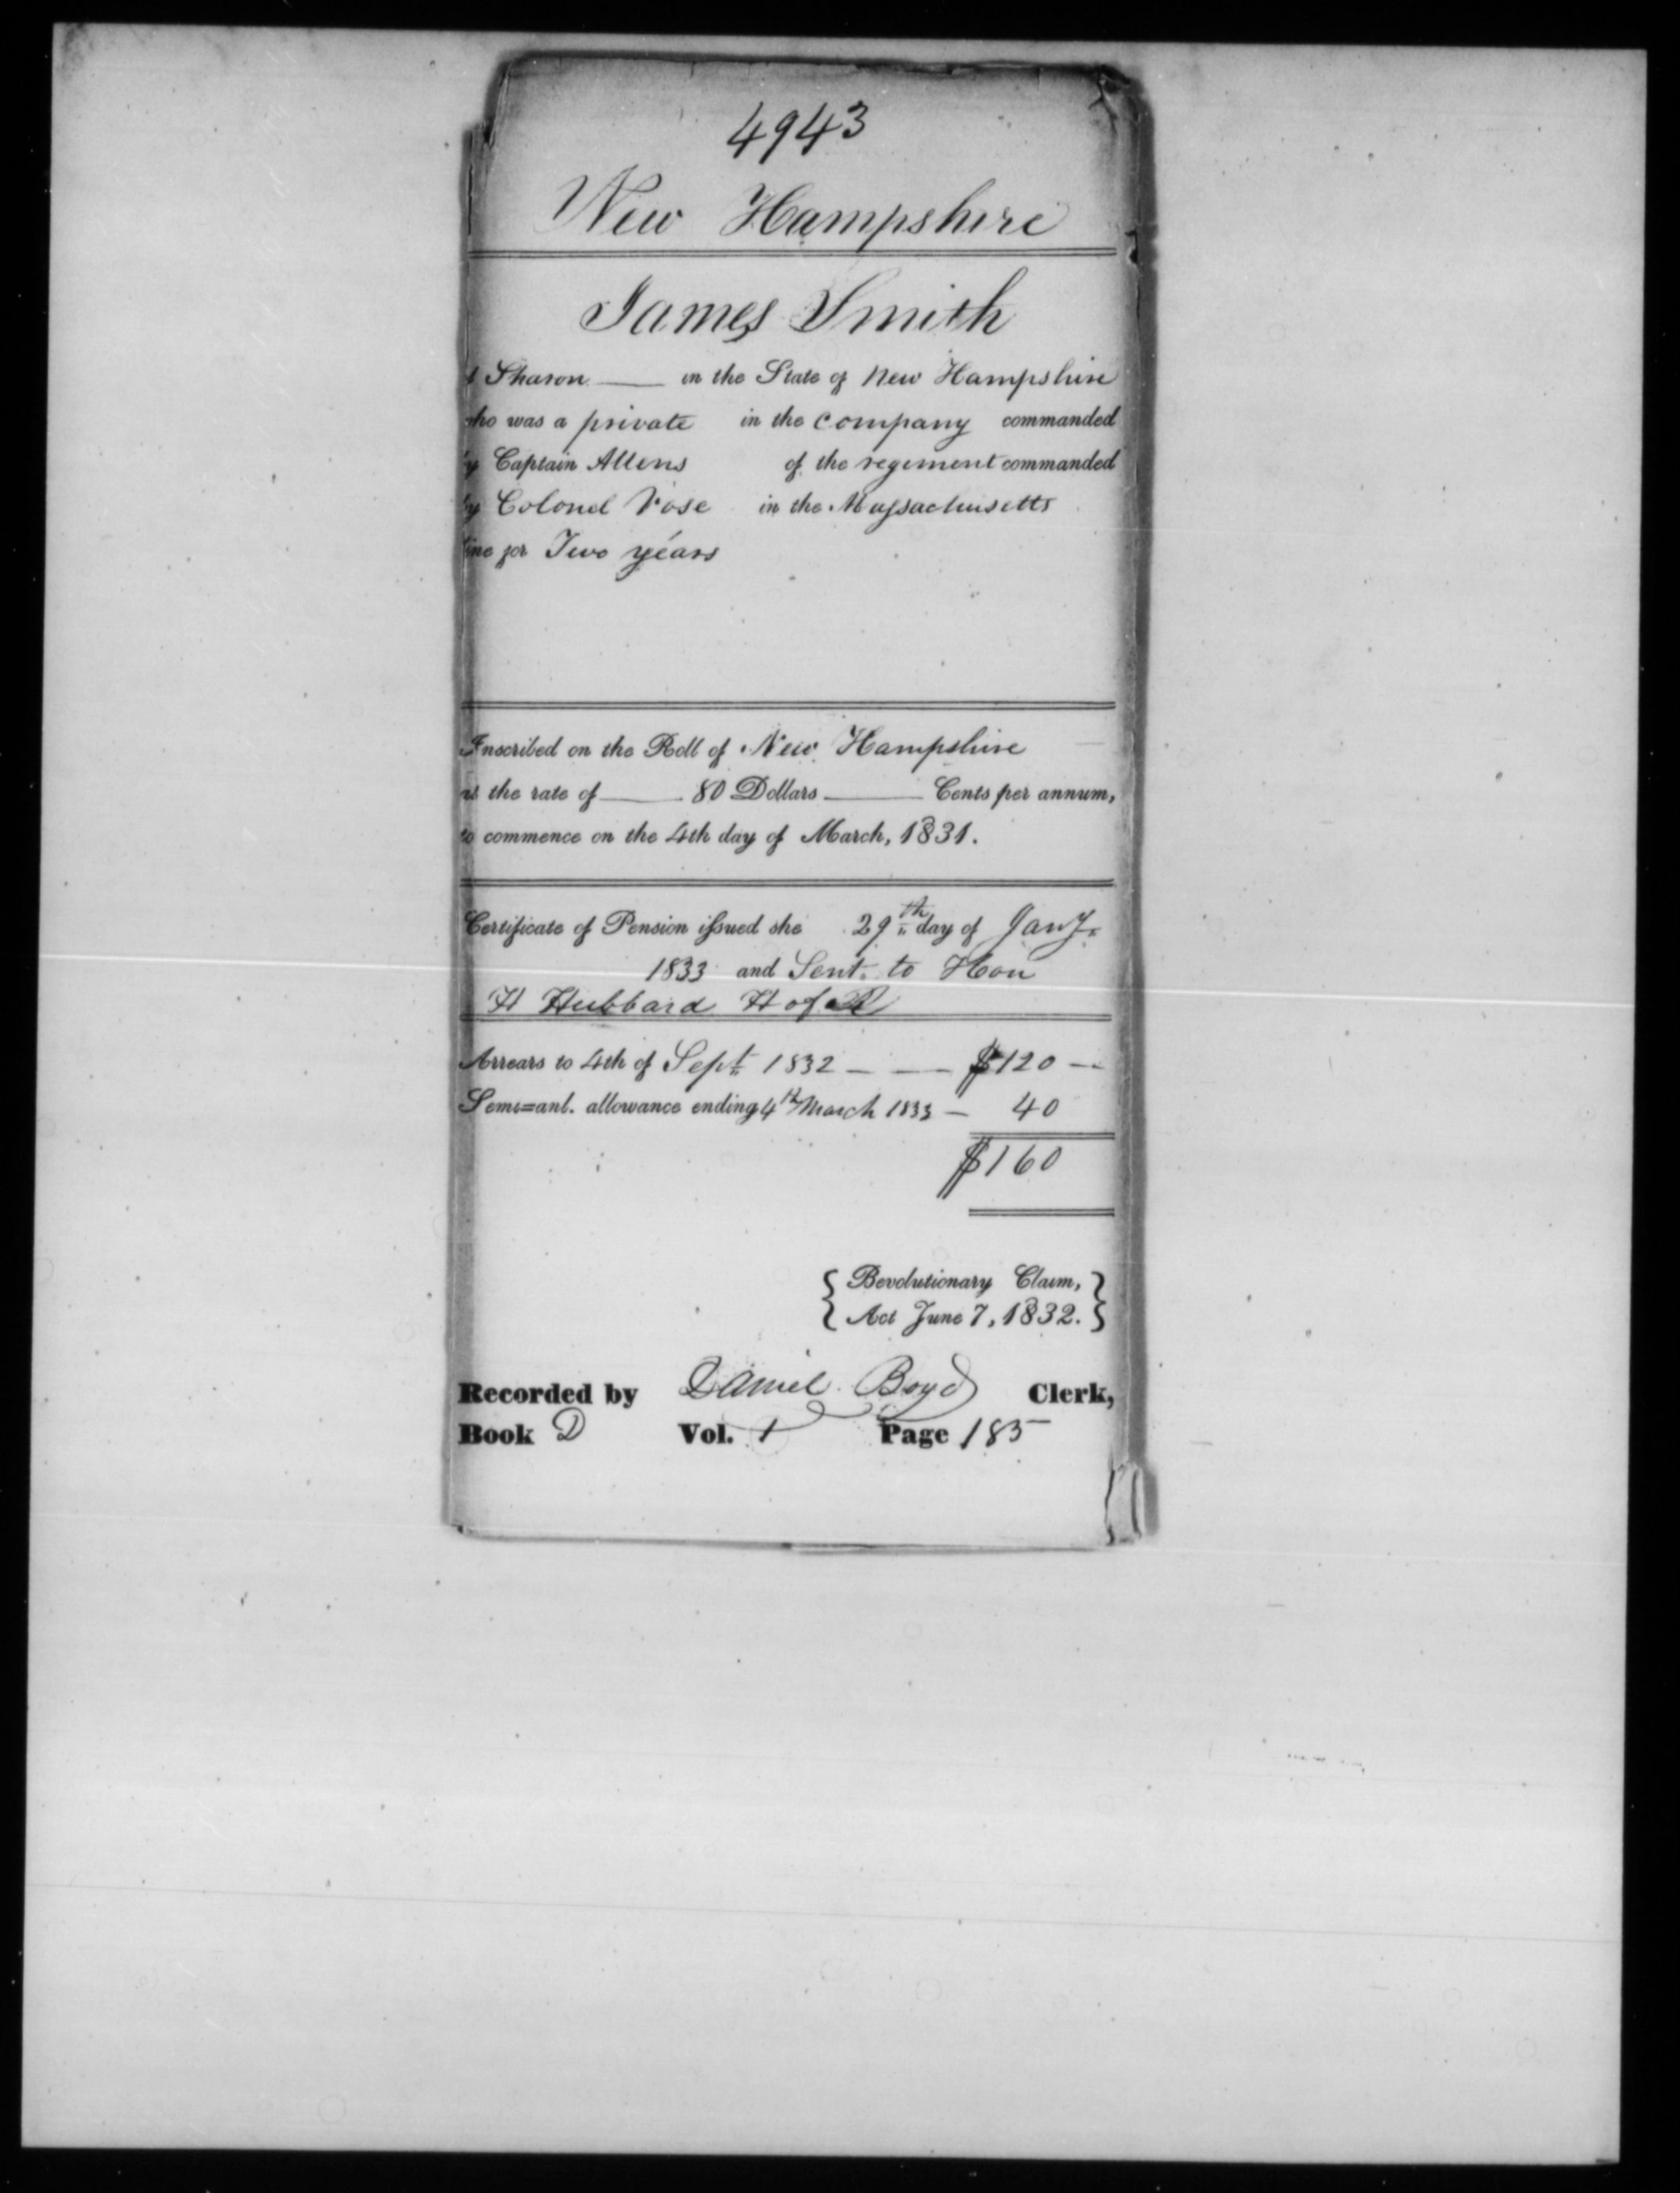4943
New Hampshire

James Smith

[?] Sharon ____ in the State of New Hampshire who was a private in the company commanded by Captain Allens of the regiment commanded by Colonel Rose in the Massachusetts [?] for two years

Inscribed in the Roll of New Hampshire at the rate of _____ 80 Dollars _____ Cents per annum, to commence on the 4th day of March, 1831. 

Certificate of Pension issued the 29th day of January 1833 and sent to him 
H Hubbard Hogan

Arrears to 4th of Sept 1832 _____ $120_____
Semi-anl. allowance ending 4th March 1833 - 40

$160

{Revolutionary Claim, Act June 7, 1832.} 

Recorded by Samuel Boyd Clerk, 
Book D Vol. 1 Page 183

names: [BLANK] Allens; James Smith; [BLANK] Vose; Daniel Boyd; H Hubbard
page: 2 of 55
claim: widow's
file: W 19058, for James Smith, Massachusetts